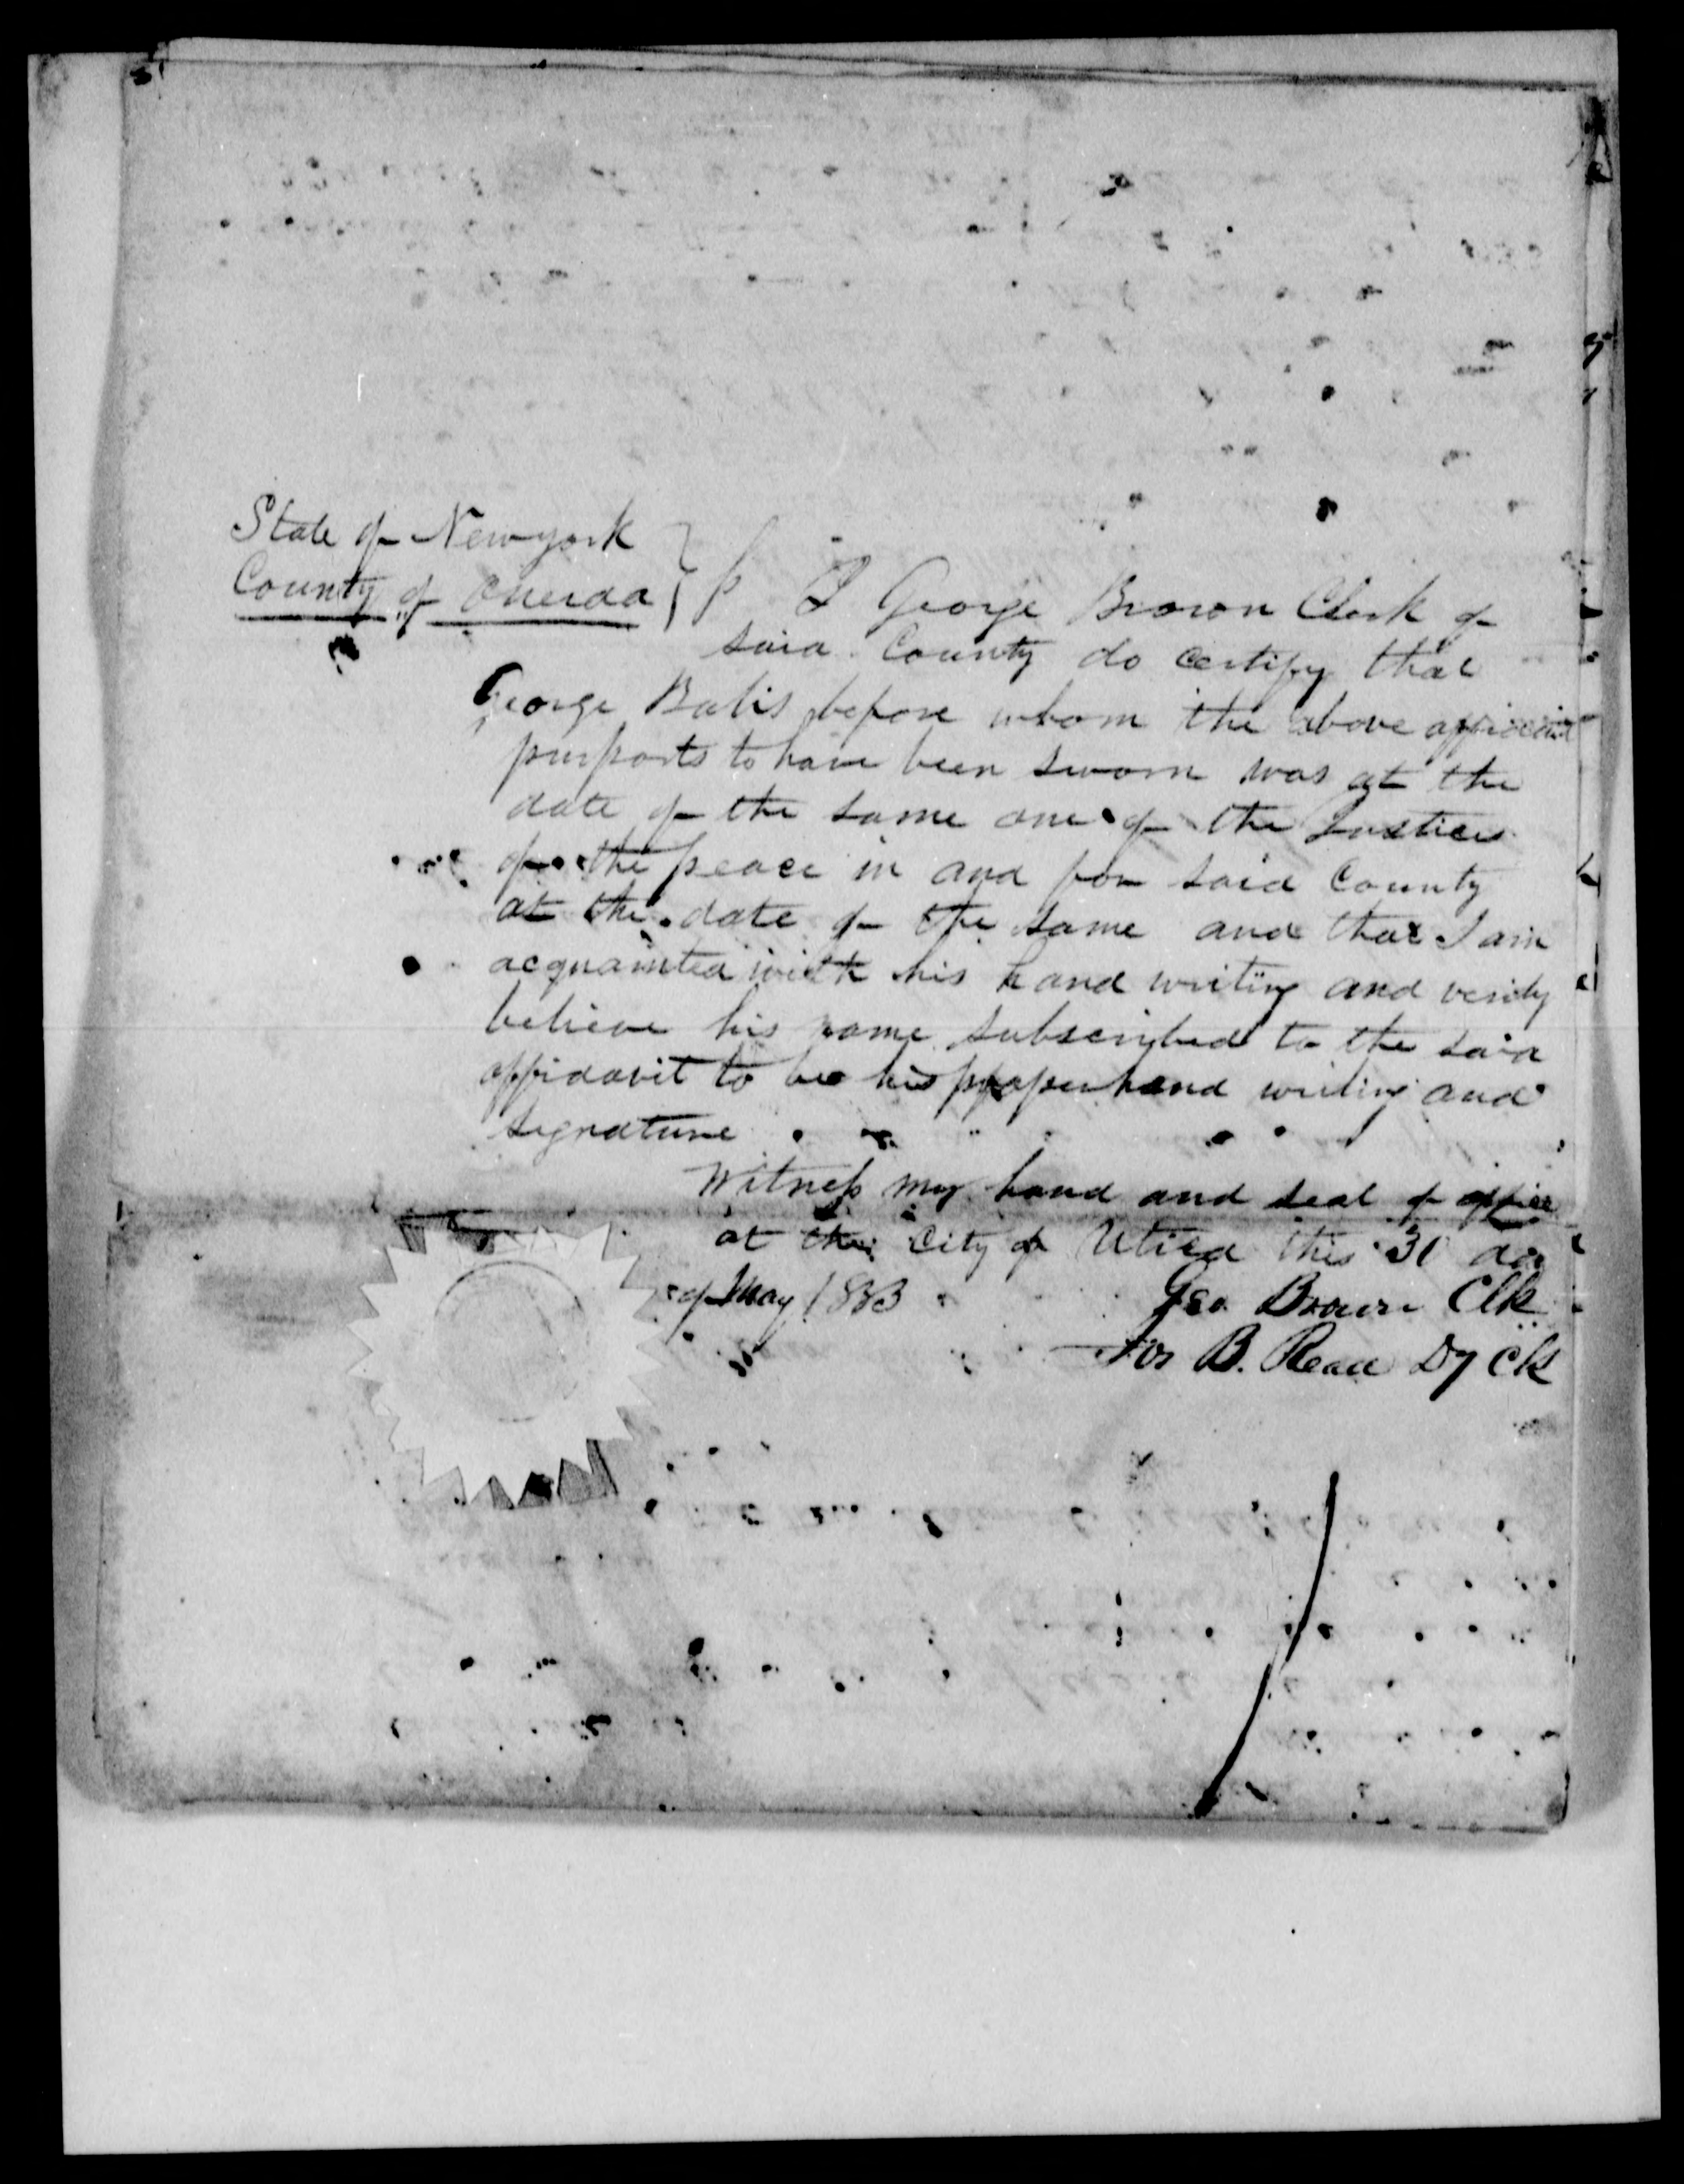State of New York}
County of Oneida} SS  I George Brown Clerk of said County do certify that George Balis before whom the above affidavit purports to have been sworn was at the date of the same one of the Justices of the peace in and for said County at the date of the same and that I am acquainted with his hand writing and verily believe his name subscribed to the same affidavit to be his proper hand writing and signature.
Witness my hand and Seal of office at the City of Utica this 30 day of May 1833 
Geo Brown Clk
Jos B. Read Dy Clk

[seal affixed to page]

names: Jos B Read, George Brown, George Balis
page: 13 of 18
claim: survivor's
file: S. 11731, Robert Whippel, Continental Mass R. I.